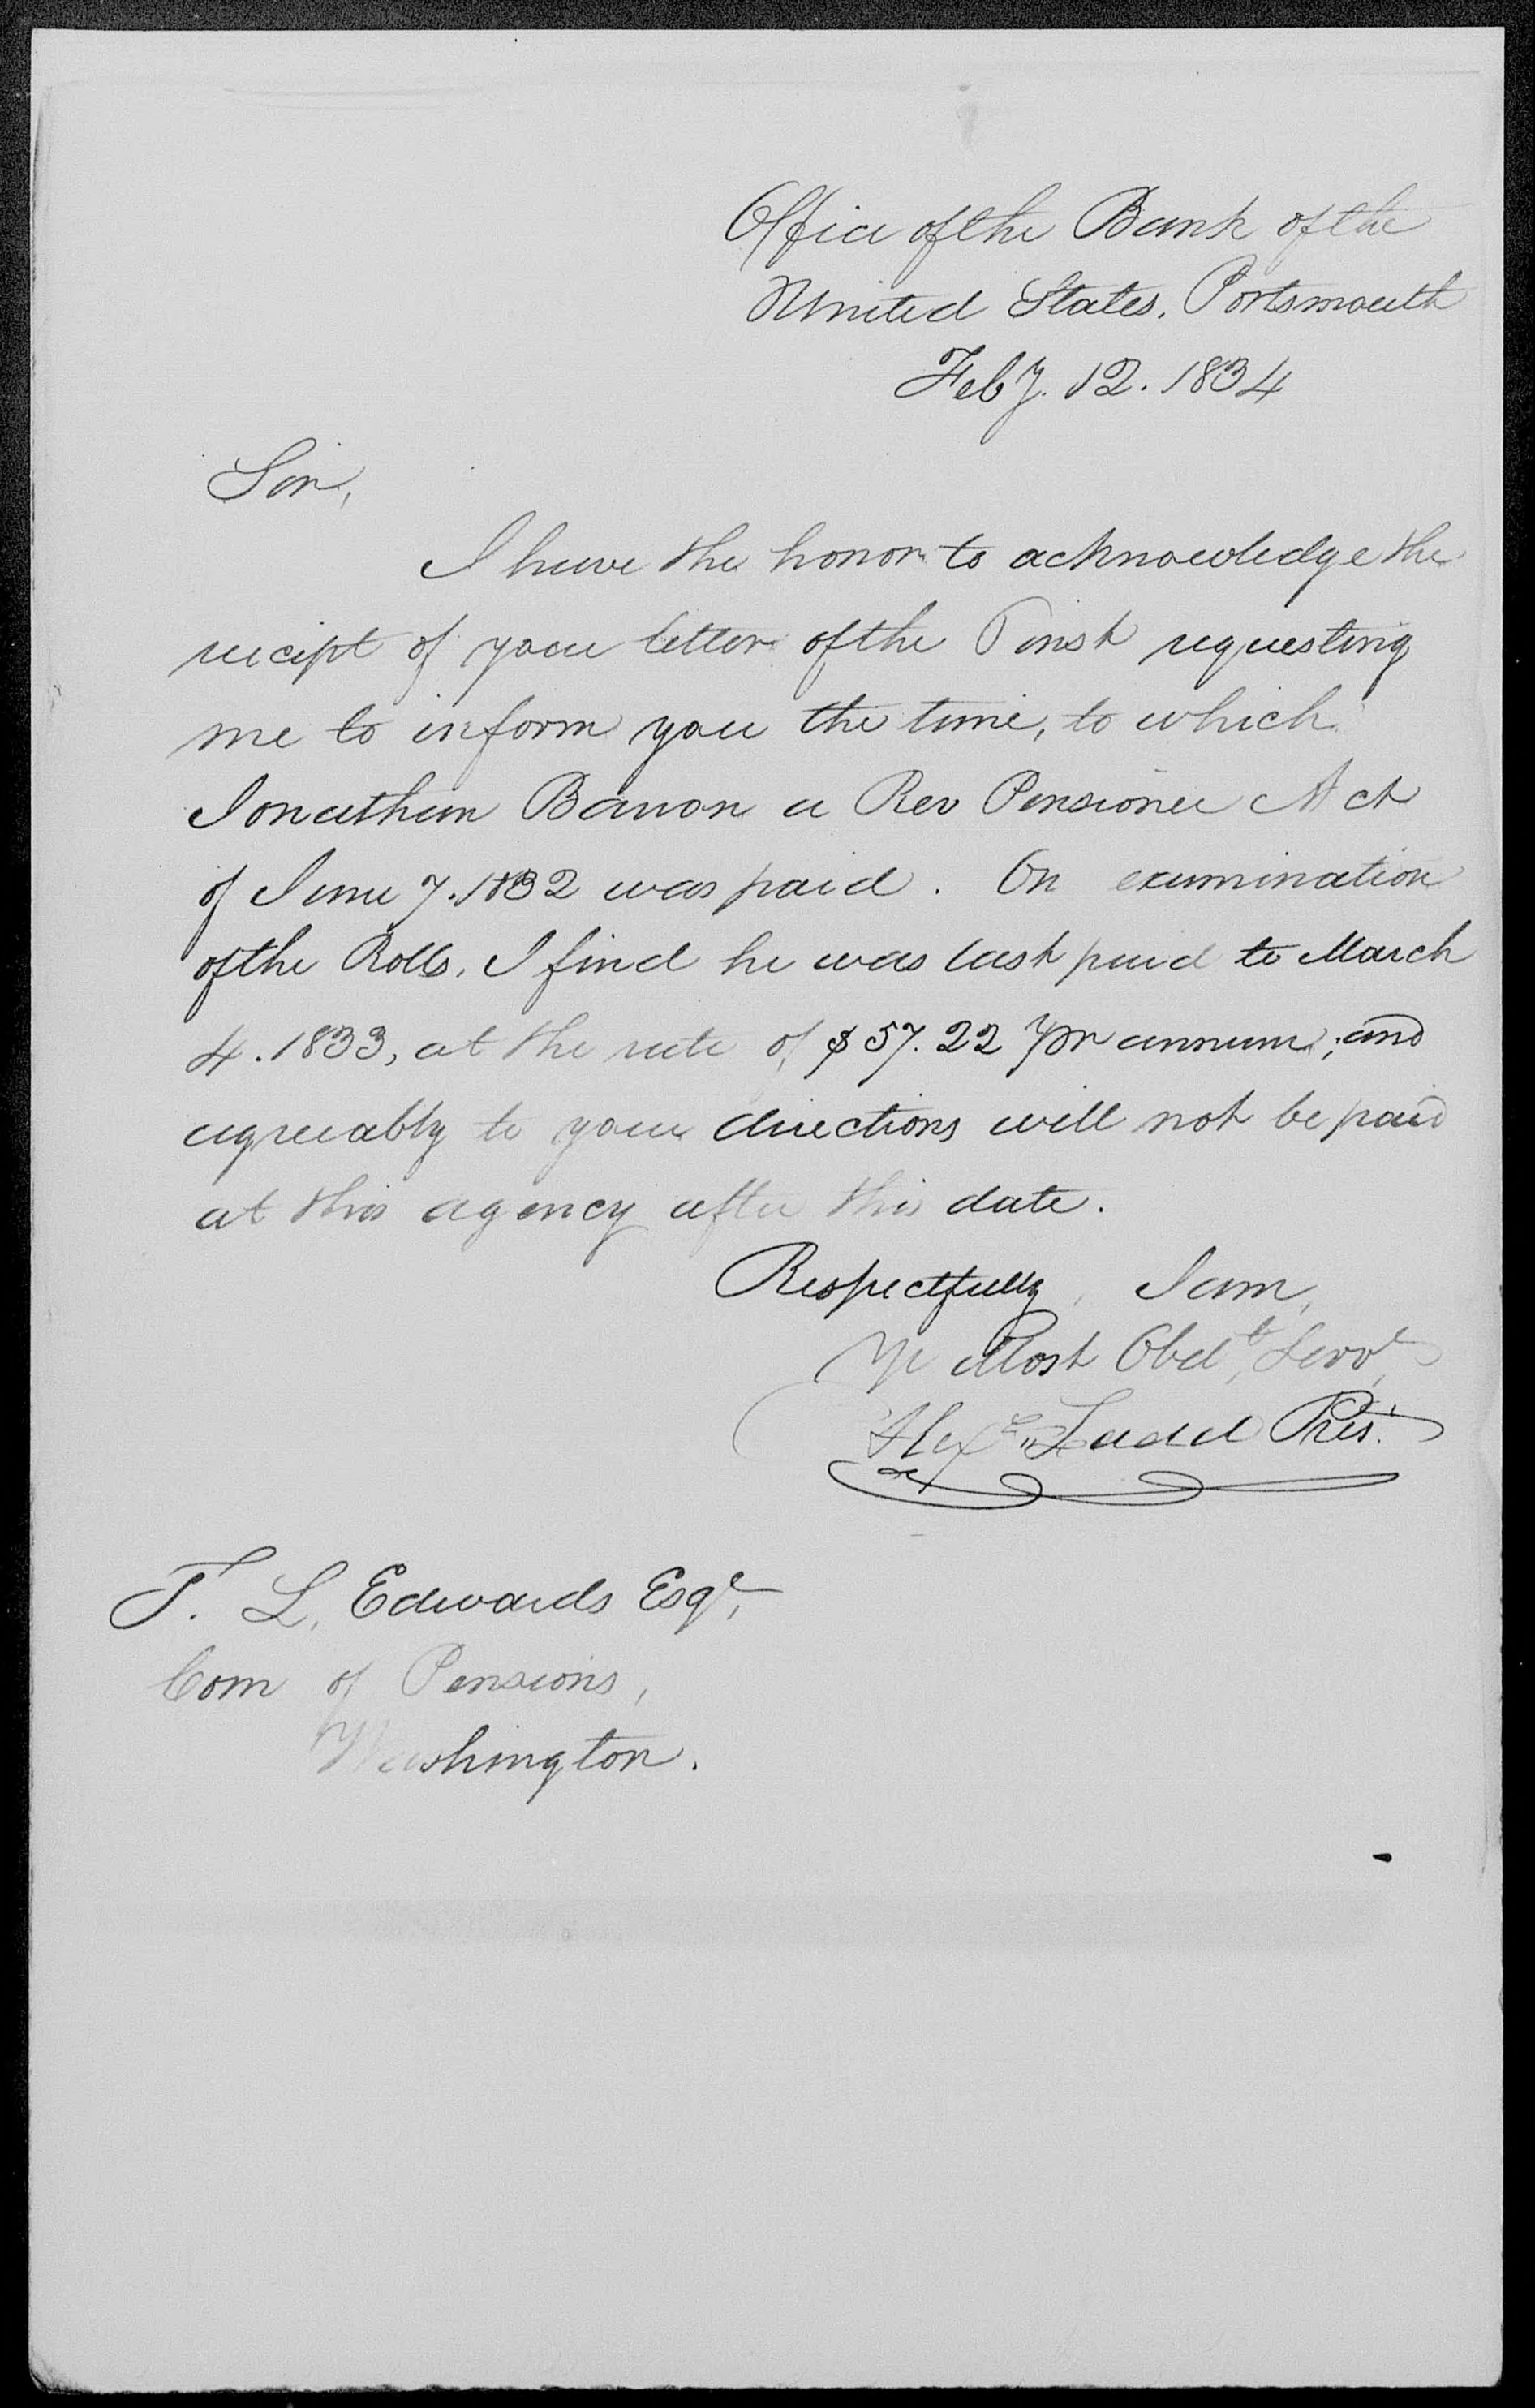[handwritten letter]
Office of the Bank of the United States, Portsmouth
Feb'y 12. 1834

Sir,
I have the honor to acknowledge the receipt of your letter of the 6 inst requesting me to inform you the time, to which Jonathan Barron a Rev Pensioner Act of June 7, 1832 was paid. On examination of the Rolls, I find he  was last paid to March 4, 1833, at the rate of $57.22 per annum; and agreeably to your directions will not be paid at this agency after this date. 
Respectfully, I am, your Most Obd't Serv't
/s/Alex'r Ludd Pres.
J. L. Edwards Esq'r
Com of Pensions, 
Washington.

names: J L Edwards, Alexr Ludd, Jonathan Barron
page: 19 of 25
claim: survivor's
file: S. 28986, Jonathan Barron, N.H.